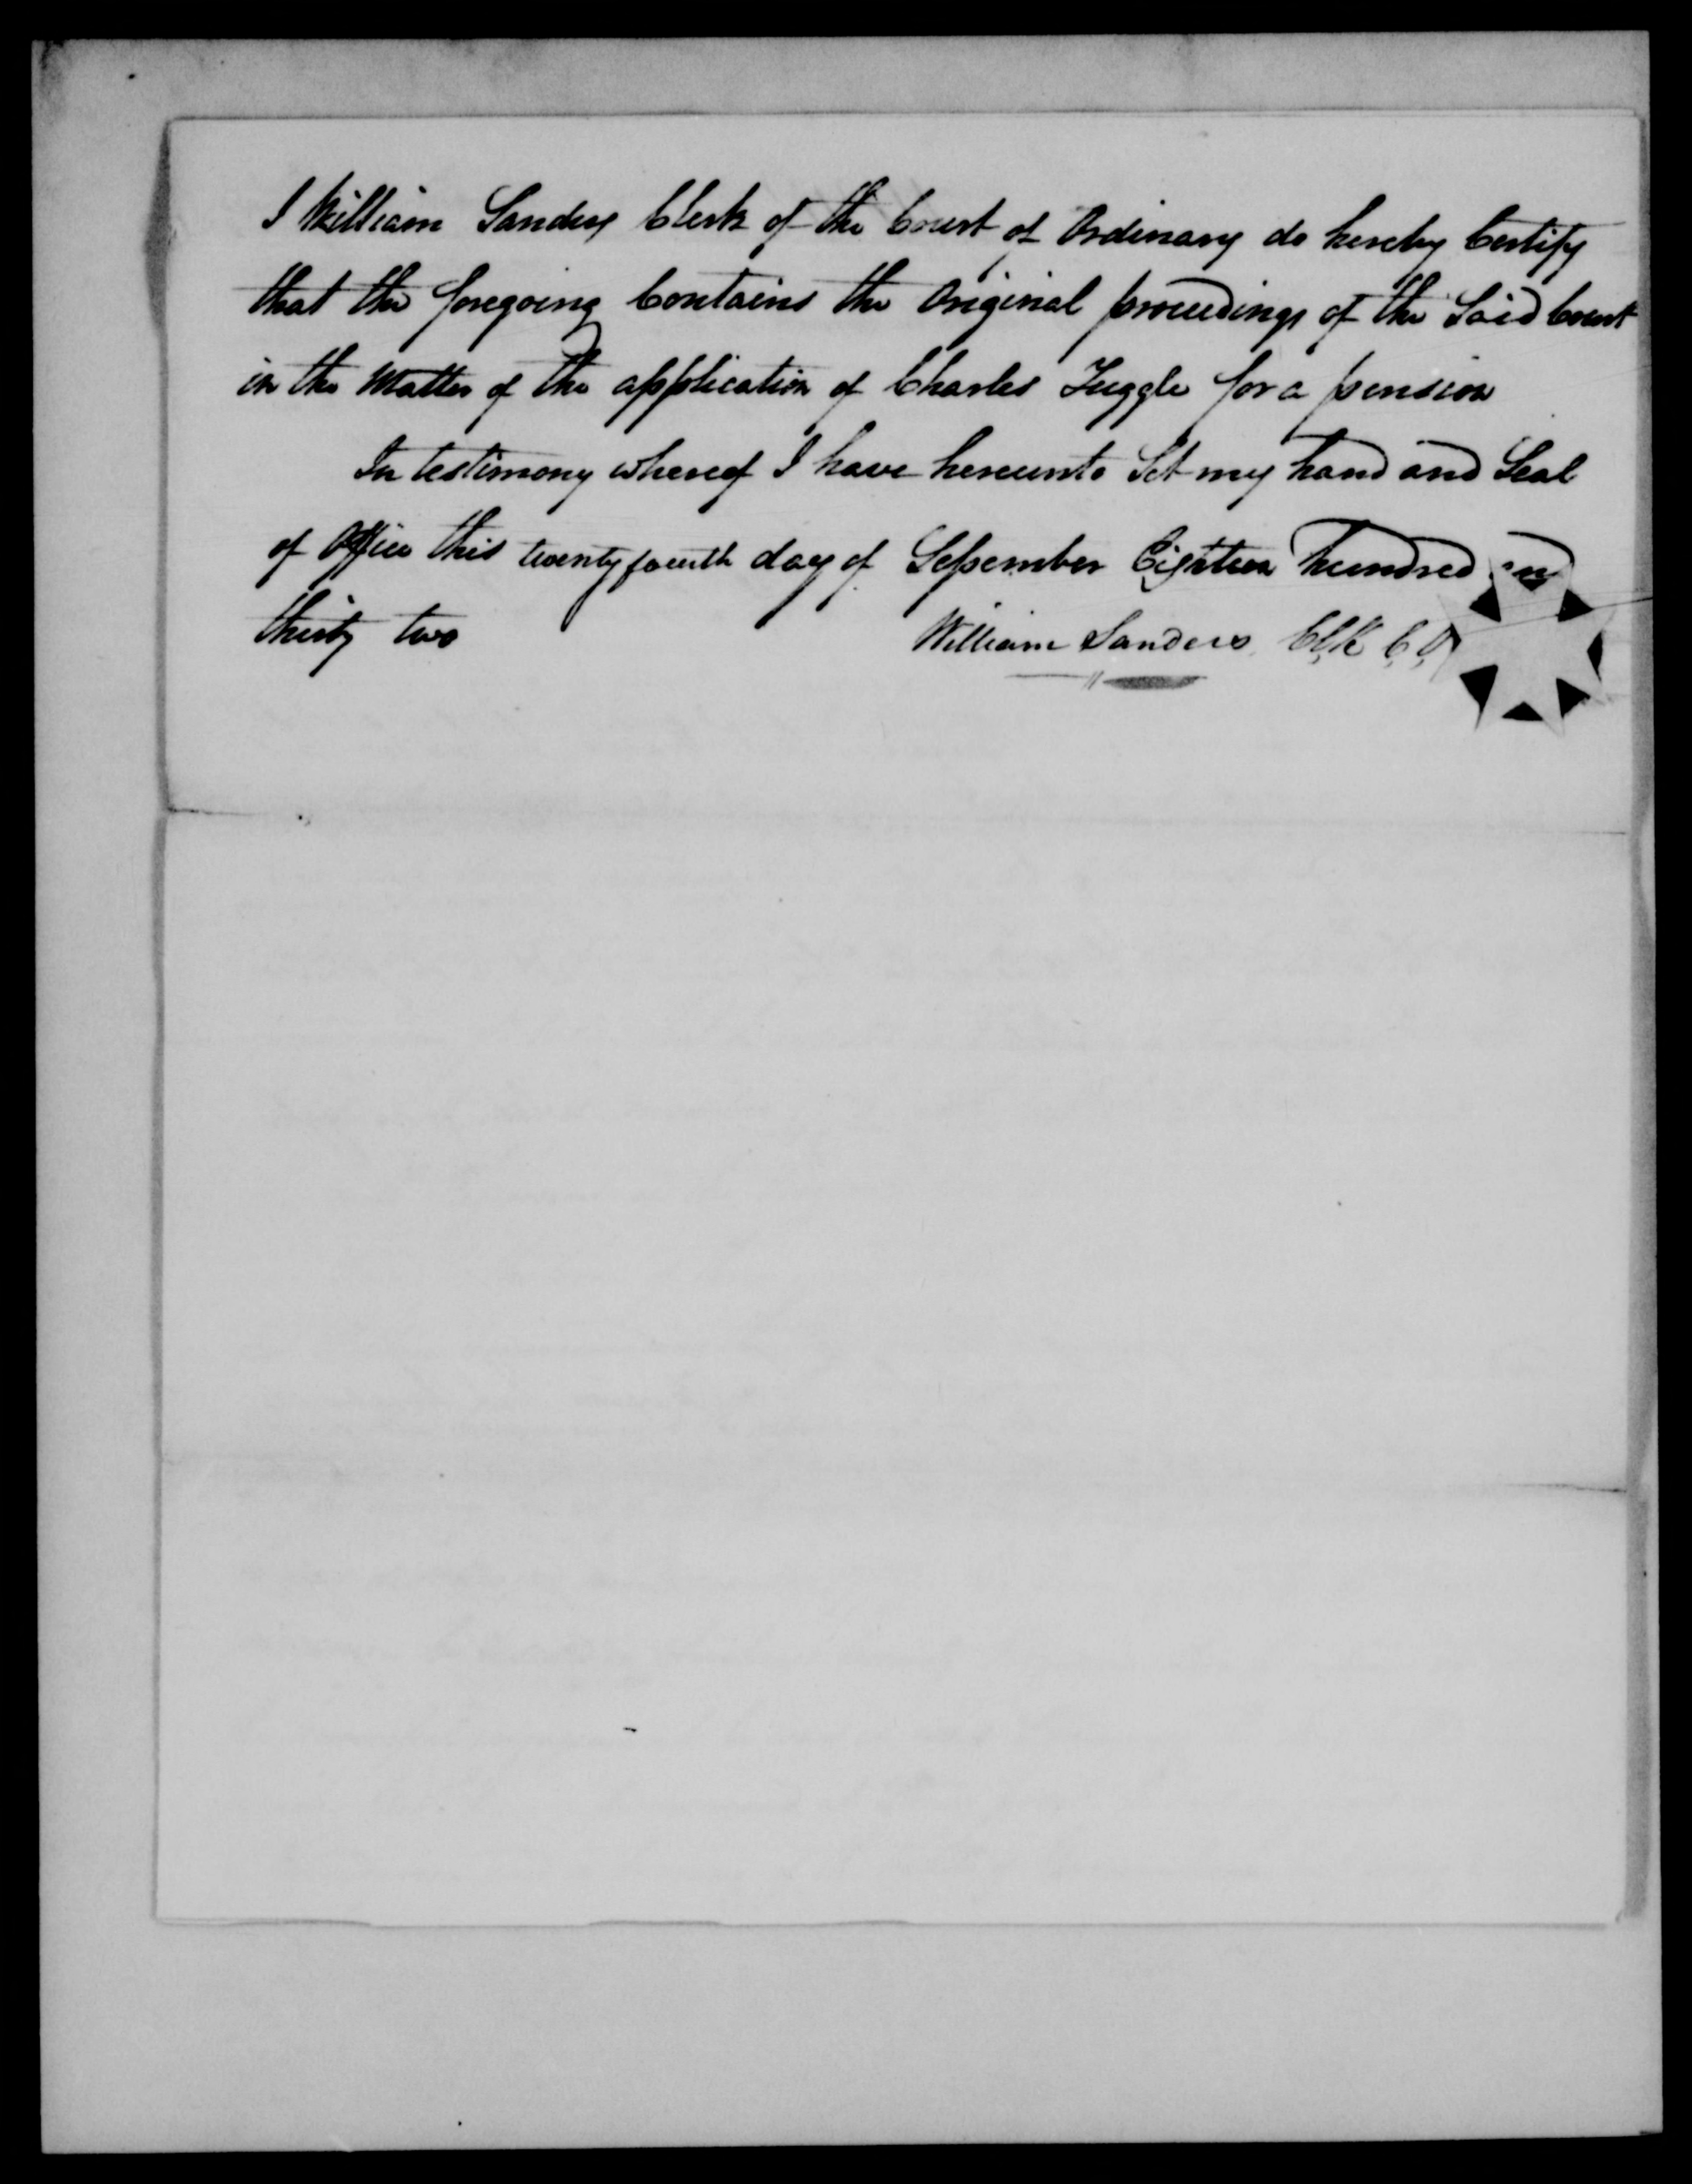I William Sanders Clerk of the Court of Ordinary do hereby certify
that the foregoing contains the original proceedings of the said court
in the Matter of the application of Charles Tuggle for a pension
In testimony whereof I have hereunto set my hand and seal
of Office this twenty fourth day of September Eighteen hundred and
thirty two
William Sanders Clk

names: William Sanders, William Sanders, Charles Tuggle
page: 9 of 23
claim: survivor's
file: S. 32559, Charles Tuggle, Va.